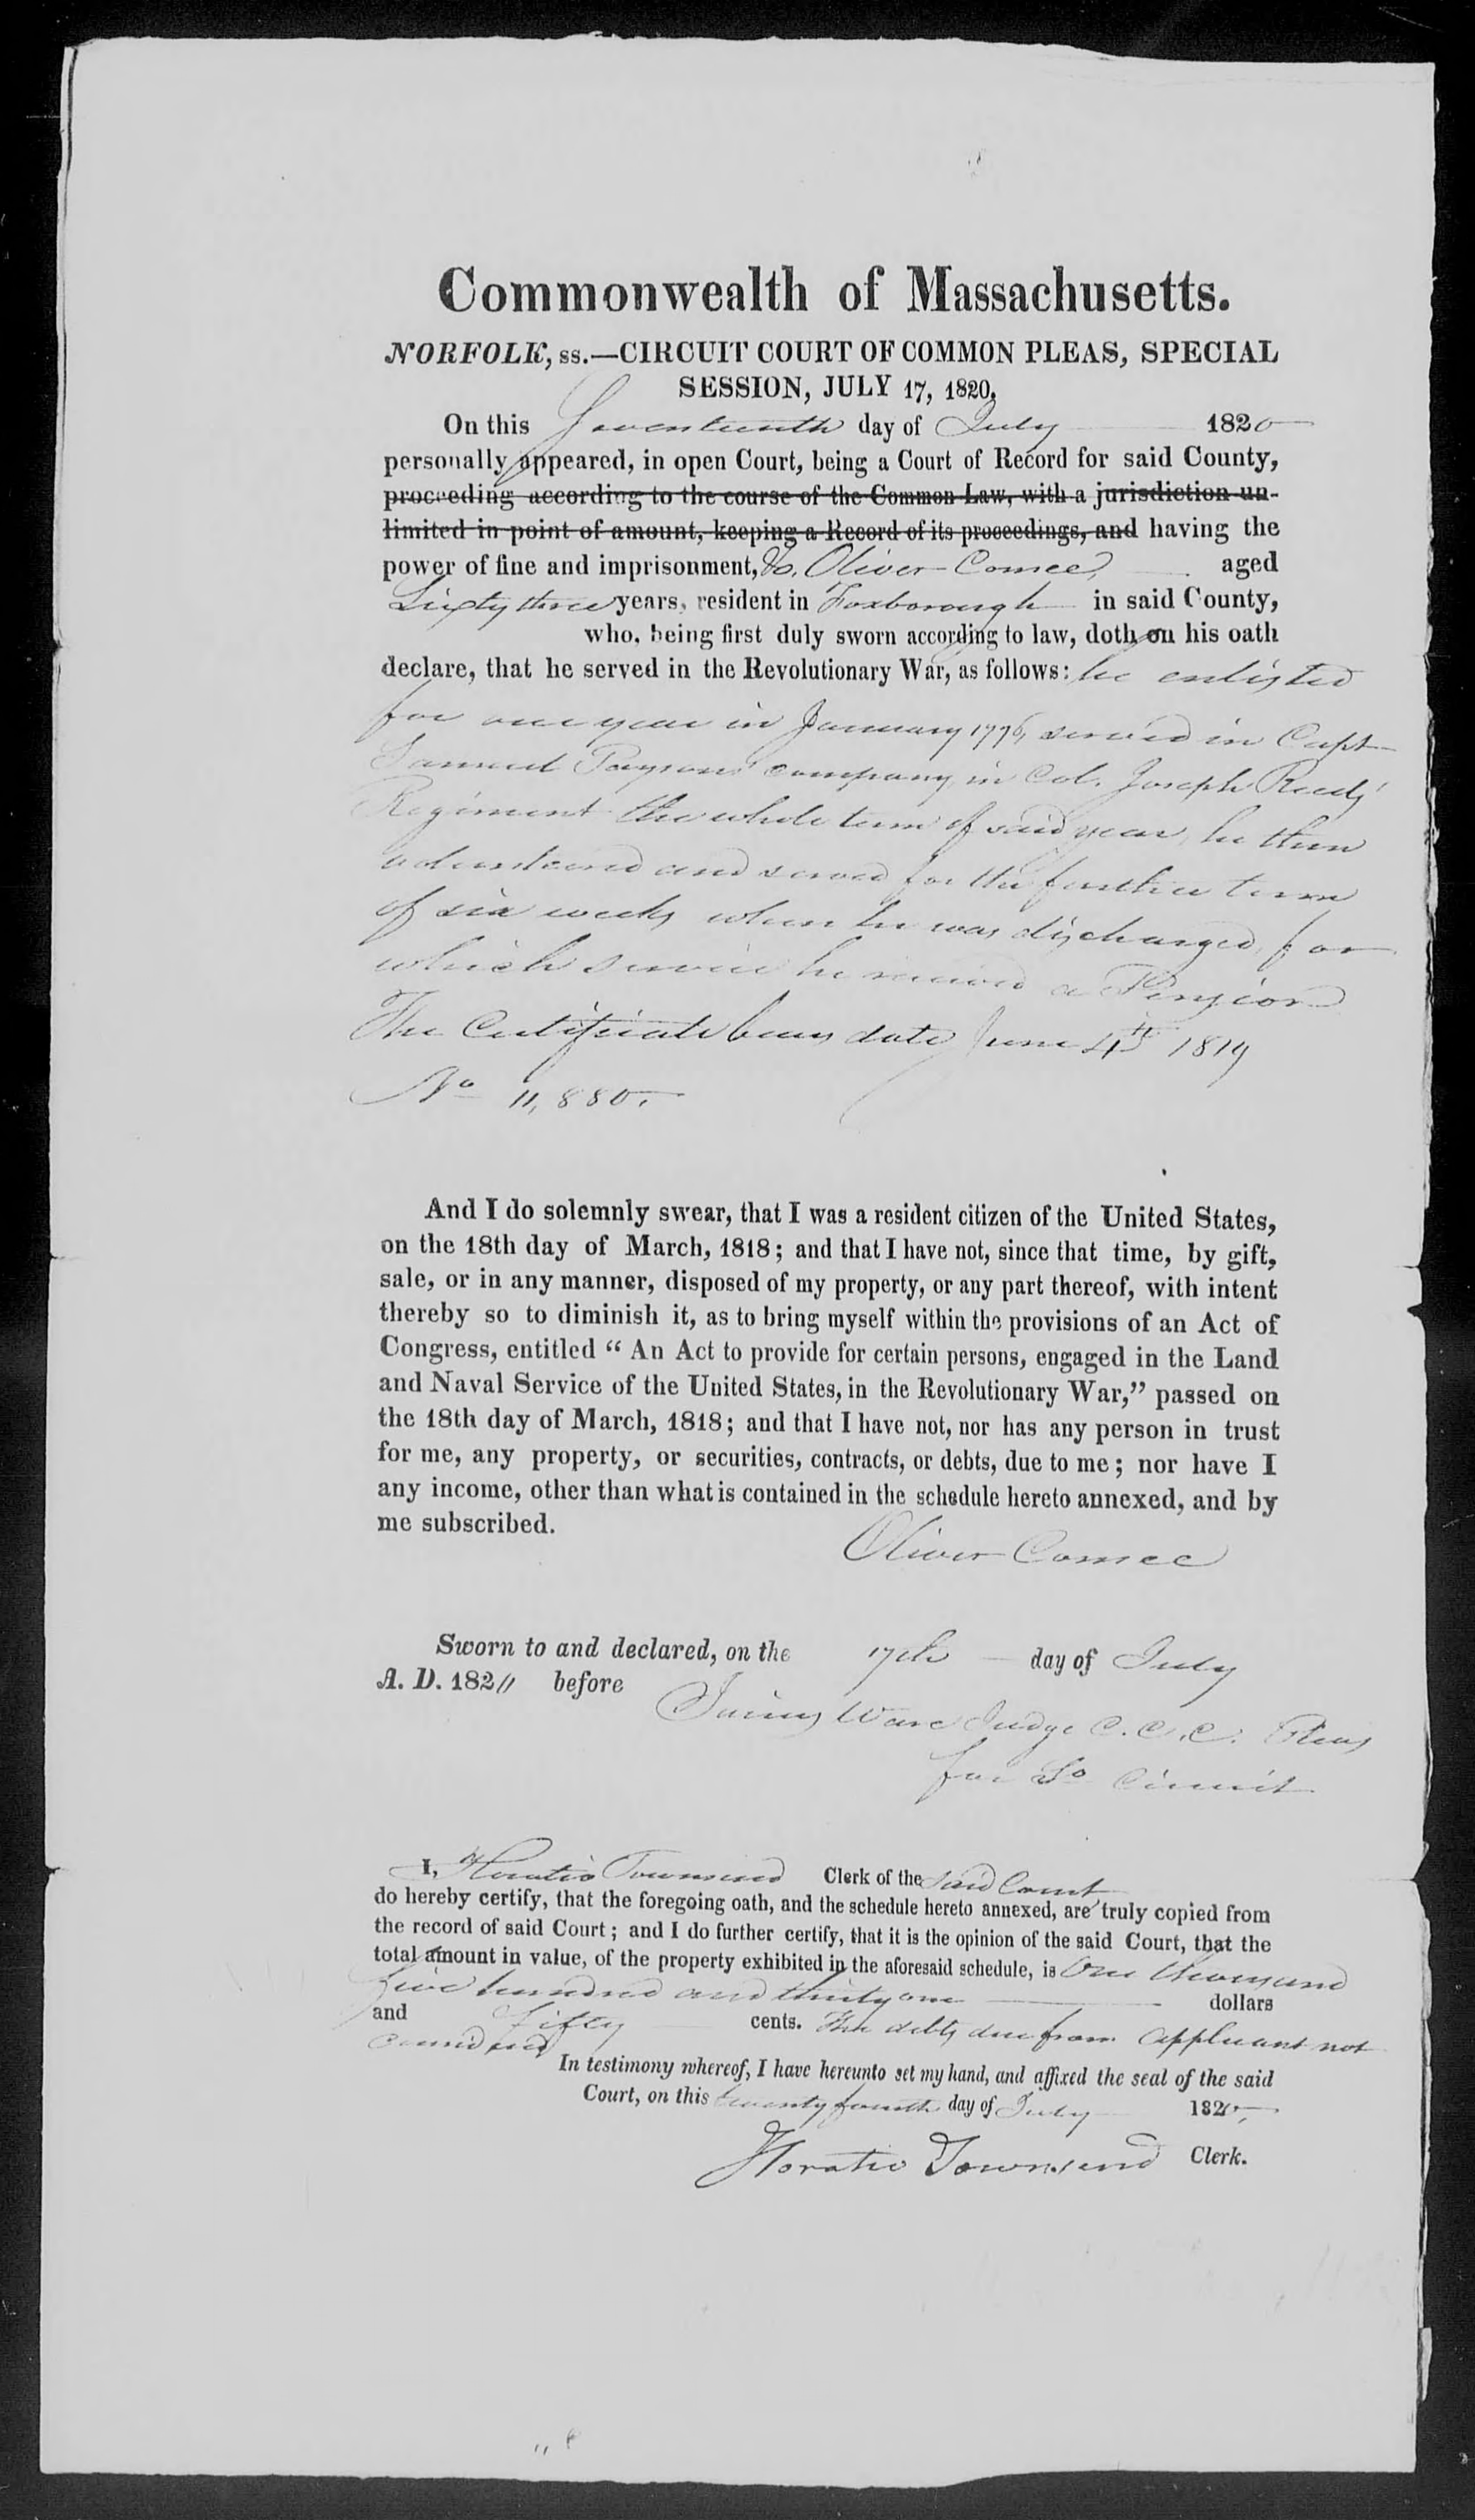Commonwealth of Massachusetts. NORFOLK, SS. -- CIRCUIT COURT OF COMMON PLEAS, SPECIAL SESSION, JULY 17, 1820, On this Seventeenth day of July 1820 personally appeared in open Court, being a Court of Record for said County, [crossed out thru: proceeding according to the course of the Common Law, with a jurisdiction limited in point of amount, keeping a record of its proceedings,] and having the power of fine and imprisonment, &c. Oliver Conce,aged   Sixty three years, resident in Foxborough in said County, who, being first duly sworn according to law, doth on his oath declare, that he served in the Revolutionary War, as follows: he enlisted for one year in January 1778, served in Capt Samuel Payson’s Company in Col. Joseph Reed’s Regiment the whole term of said year, he then volunteered and served for the further term of six weeks when he was discharged for which service he received a pension The certificate bears date June 4th 1819 No 11,880. And I do solemnly swear, that I was a resident citizen of the United States, on the 18th day of March, 1818; and that I have not, since that time, by gift, sale, or in any manner, disposed of my property, or any part thereof, with intent thereby so to diminish it, as to bring myself within the provisions of an Act of Congress, entitled ""An Act to provide for certain persons, engaged in the Land and Naval Service of the United States, in the Revolutionary War,” passed on the 18th day of March, 1818; and that I have not, nor has any person in trust for me, any property, or securities, contracts, or debts, due to me; nor have I any income, other than what is contained in the schedule hereto annexed, and by me subscribed. Oliver Comee
Sworn to and declared, on the 7th day of July A.D. 1820 before Jarius Ware Judge C.C.C. For So. Circuit

I, Horatio Townsend Clerk of the said Court do hereby certify, that the foregoing oath, and the schedule hereto annexed, are truly copied from the record of said Court; and I do further certify, that it is the opinion of the said Court, that the total amount in value, of the property exhibited in the aforesaid schedule, is one thousand five hundred and thirty one dollars and fifty dollars cents. The debts due from applicant not [illegible]
In testimony whereof, I have hereunto set my hand, and affixed the seal of the said Court, on this twenty fourth day of July 1820
Horatio Townsend  Clerk.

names: Oliver Comee, Oliver Comee, Horatio Townsend, Horatio Townsend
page: 9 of 45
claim: widow's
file: W. 14,567, Oliver Comee, Mass.